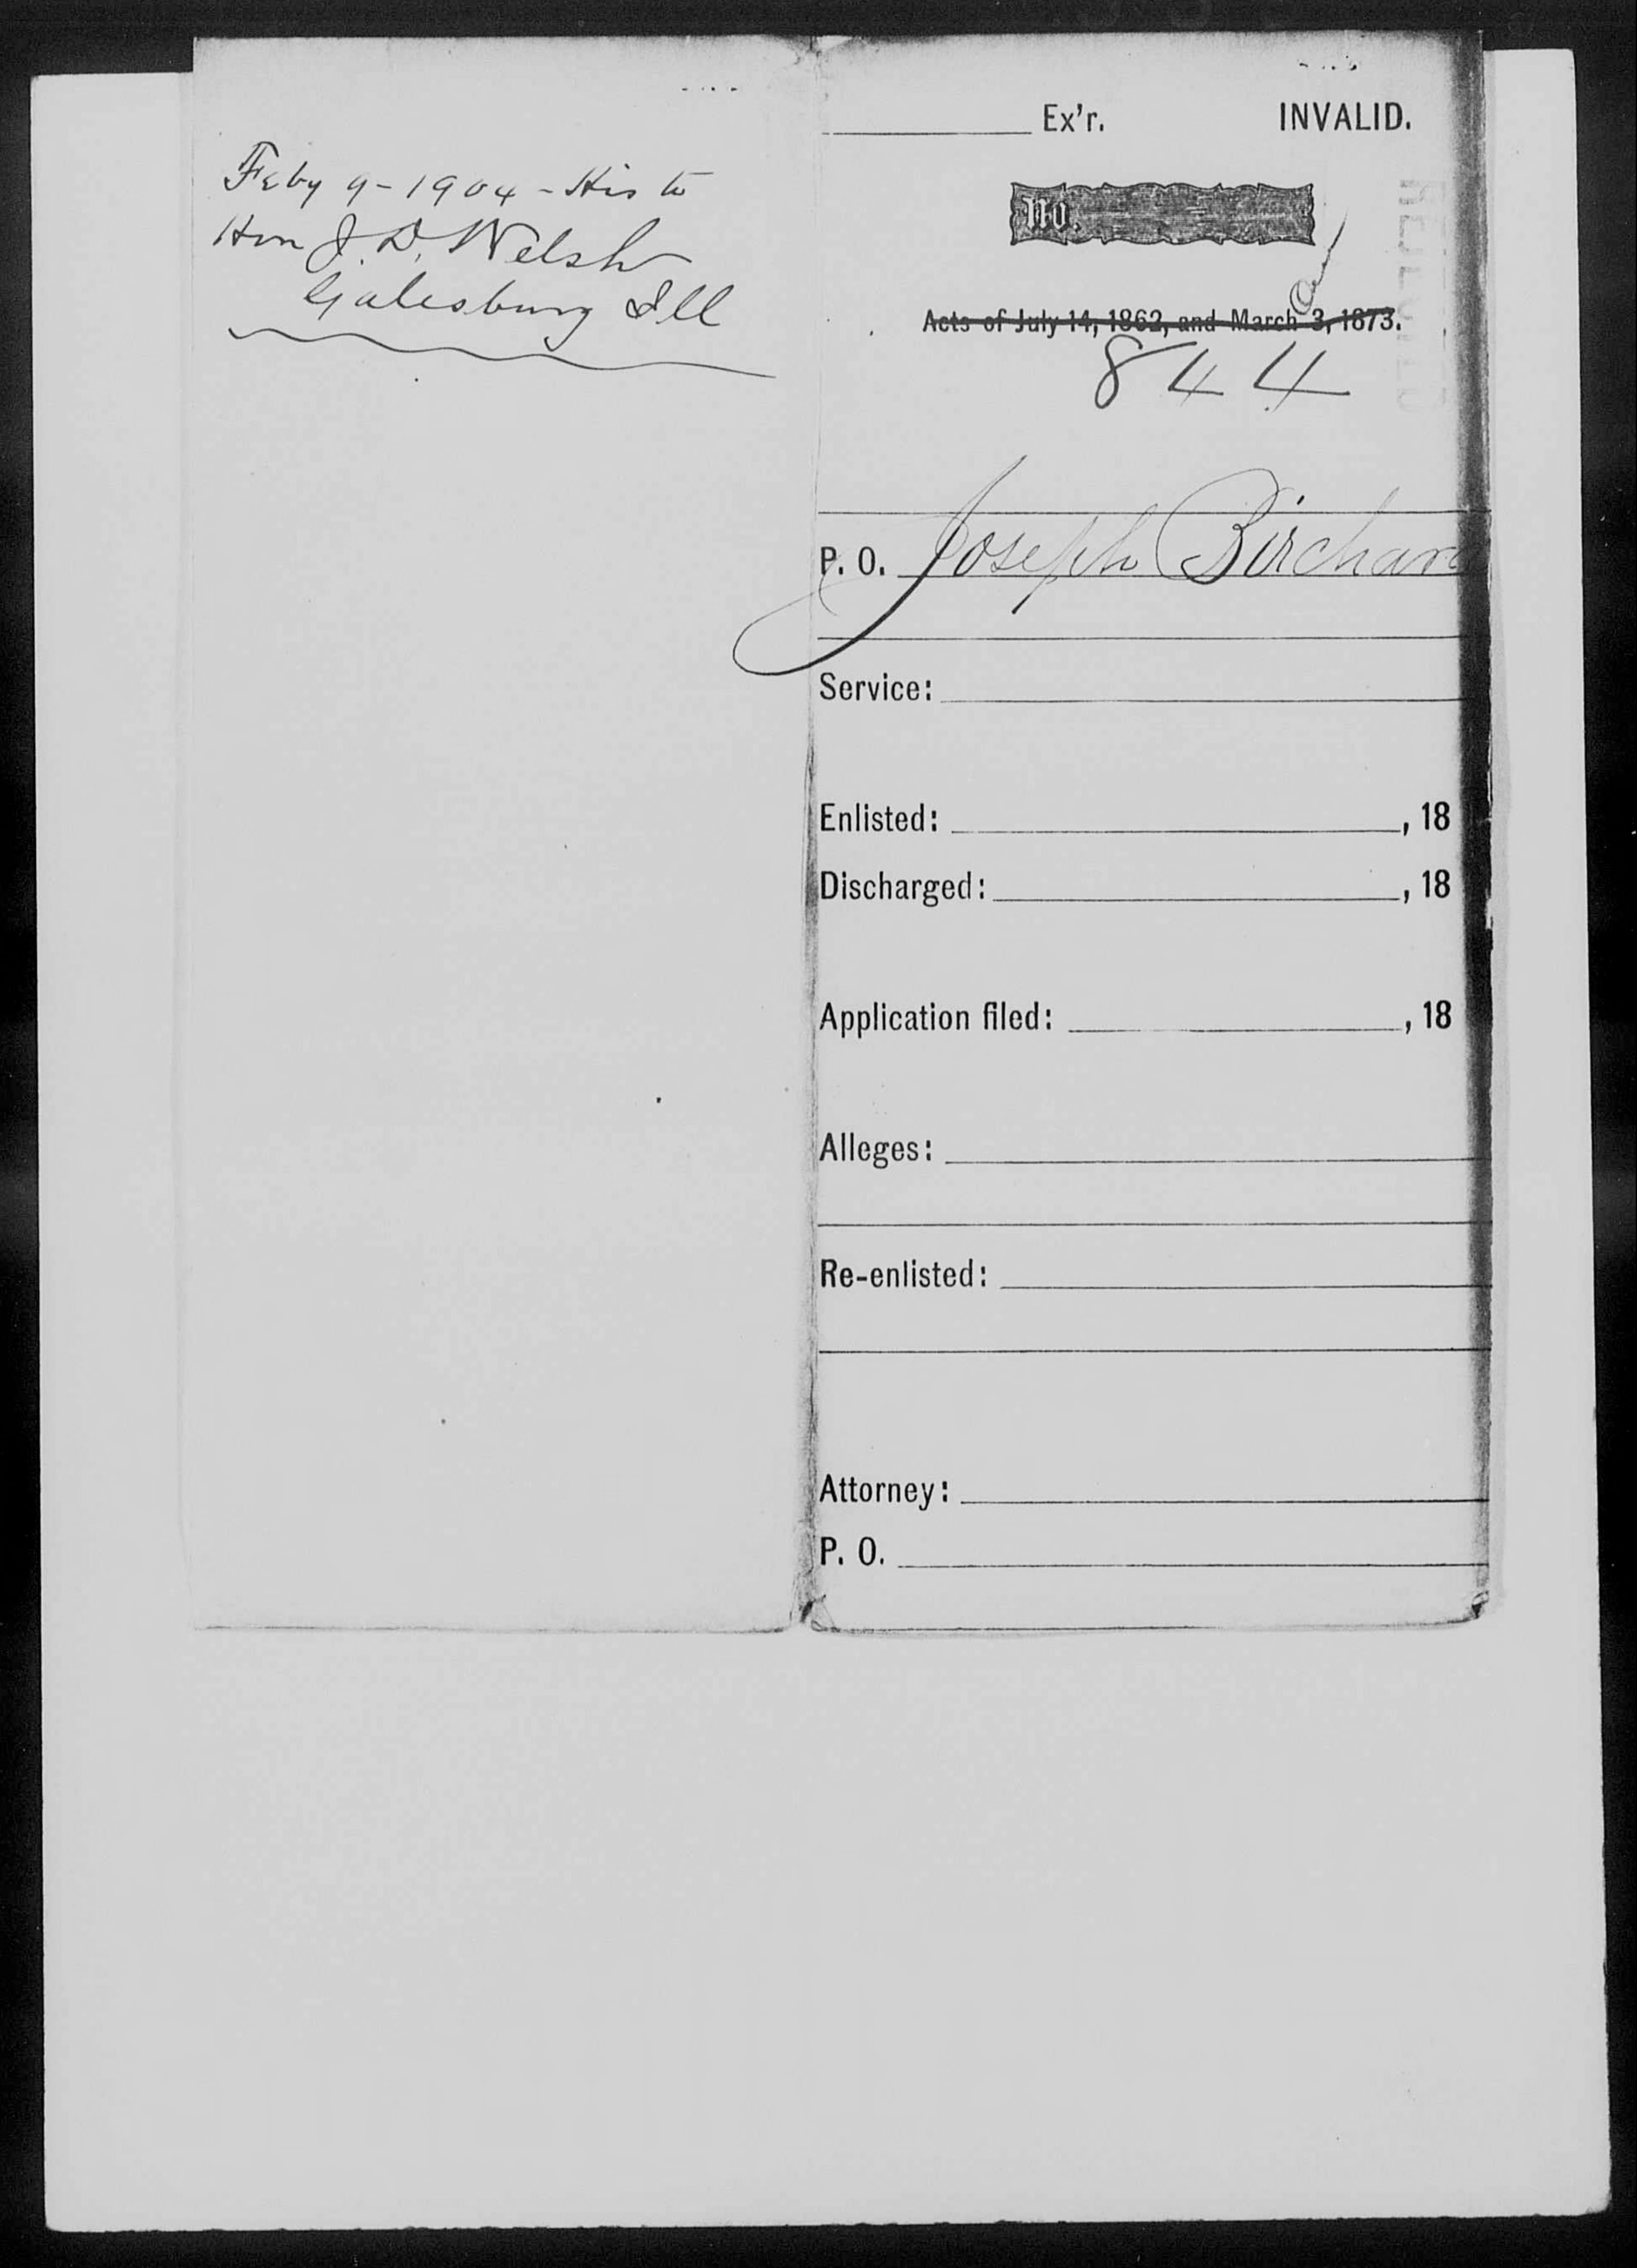*Left Side text read as written*

Feby 9- 1904- hist to
Hon J.D. Welsh
Galisbury Ill.

*right side text reads as written*
844

P.O. Joseph Birchard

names: J D Welsh, Joseph Birchard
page: 9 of 18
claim: rejected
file: R. 844, Joseph Birchard, Conn.